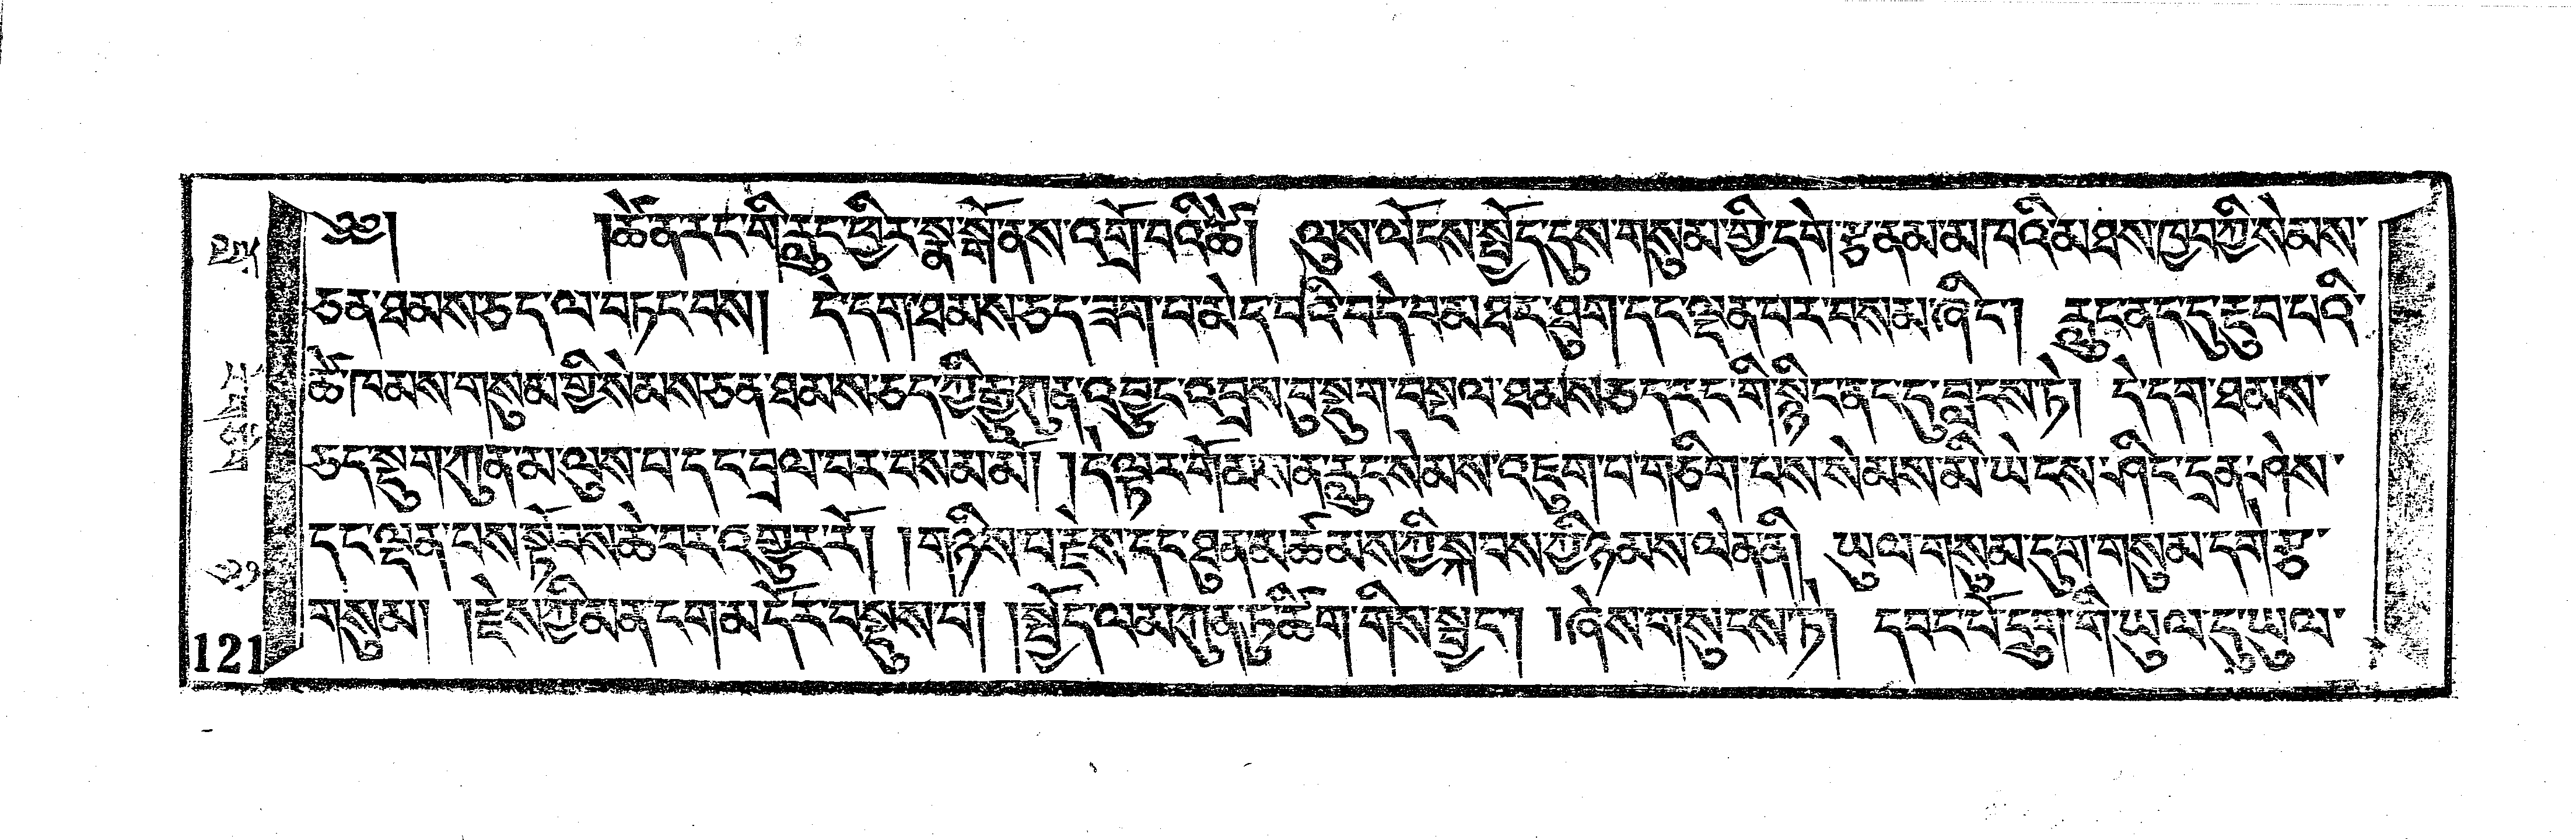༄༅། །ཚེ་ན་རང་གི་རླུང་ཕྱིར་སྣ་སྒོ་ནས་འགྲོ་བའི་ཚེ། ལུས་ལོངས་སྤྱོད་དུས་གསུམ་གྱི་དགེ་རྩ་ནམ་མཁའི་མཐས་ཁྱབ་ཀྱི་སེམས་
ཅན་ཐམས་ཅད་ལ་བཏང་བས། དེ་དག་ཐམས་ཅད་ཟག་པ་མེད་པའི་བདེ་བ་མཐར་ཐུག་དང་ལྡན་པར་བསམ་ཞིང་། རླུང་ནང་དུ་རྔུབ་པའི་
ཚེ་ཁམས་གསུམ་གྱི་སེམས་ཅན་ཐམས་ཅད་ཀྱི་རྒྱུ་ཀུན་འབྱུང་འབྲས་བུ་སྡུག་བསྔལ་ཐམས་ཅད་རང་གི་སྙིང་ནང་དུ་བླངས་ཏེ། དེ་དག་ཐམས་
ཅད་སྡུག་ཀུན་མ་ལུས་པ་དང་བྲལ་བར་བསམ་མོ། །དེ་ལྟར་གོམས་ན་རླུང་སེམས་འཇུག་པ་གཅིག་པས་སེམས་མི་ཡེངས་ཤིང་དྲན་ཤེས་
དང་ལྡན་པས་སྟོབས་ཆེ་བར་འགྱུར་རོ། །གཉིས་པ་རྗེས་དང་ཐུན་མཚམས་ཀྱི་སྐབས་ཀྱི་ཉམས་ལེན་ནི། ཡུལ་གསུམ་དུག་གསུམ་དགེ་རྩ་
གསུམ། །རྗེས་ཀྱི་མན་ངག་མདོར་བསྡུས་པ། །སྤྱོད་ལམ་ཀུན་ཏུ་ཚིག་གིས་སྦྱང་། །ཞེས་གསུངས་ཏེ། དབང་པོ་དྲུག་གི་ཡུལ་དུ་ཡུལ་